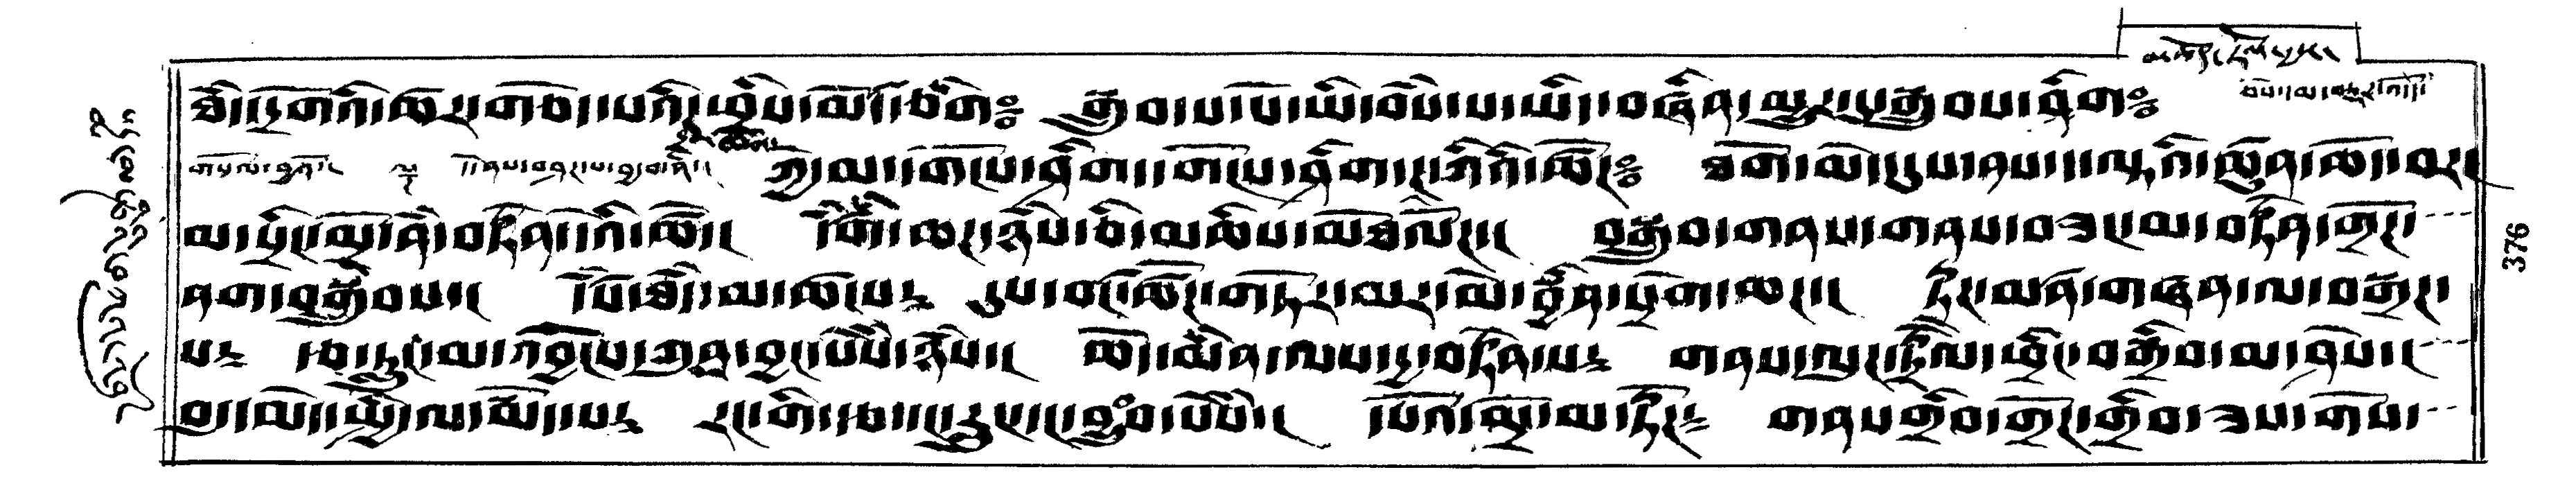ཐམས་ཅད་དྲག་པོས་ཚར་གཅོད་པའི་ཕྲིན་ལས་མཛོད་ཅིག༔ སྒྲུབ་པ་པོའི་བསམ་པ་ཡིད་བཞིན་མྱུར་དུ་སྒྲུབས་ཤིག༔ བཅས་དམ་བརྡར་འདོད་
གསོལ་བྱའོ།། དེ་ནས་བཤགས་པ་བྱ་བ་ནི། ཀྱེ་མ་དགོངས་ཤིག་དགོངས་ཤིག་ཌཱ་ཀིའི་ཚོགས། །ཐོག་མེད་དུས་ནས་ད་ལྟའི་ཚུན་ཆོད་བར། །
མ་སྲིང་མཁའ་འགྲོ་ནམ་བརྟེན་དེའི་ཚེ། །དམ་ཚིག་ཆགས་ཉམས་ཅི་མཆིས་མཐོལ་ལོ་བཤགས། །སྒྲུབ་གནས་གནས་བཟང་མ་བརྟེན་གྲོང་
ནག་བསྒྲུབས། །དམ་རྫས་ཐམས་ཅད་མ་ཚང༴ དུས་བཟང་ཚོགས་གཏོར་མར་མེ་སྦྱིན་སྲེག་ཆག །རྟགས་མཚན་གཞན་ལ་བསྒྲགས་
པ༴ རྩ་རླུང་མ་འབྱོངས་ཀུནྡ་བྱང་སེམས་ཉམས། །ཚོད་མིན་ལས་རྒྱ་བསྟེན་པ༴ གནས་ལུགས་ཕྱི་ནང་རྟེན་འབྲེལ་བསྒྲིགས་མ་ཤེས། །
བུད་མེད་སྤྱི་ལ་སྨོད་པ༴ རང་གི་རྩ་དང་རླུང་དང་བྱང་ཆུབ་སེམས། དཔའ་བོ་མཁའ་འགྲོར་མ་རྟོགས༴ གནས་གྲིབ་གྲོགས་གྲིབ་ཟས་གོས་